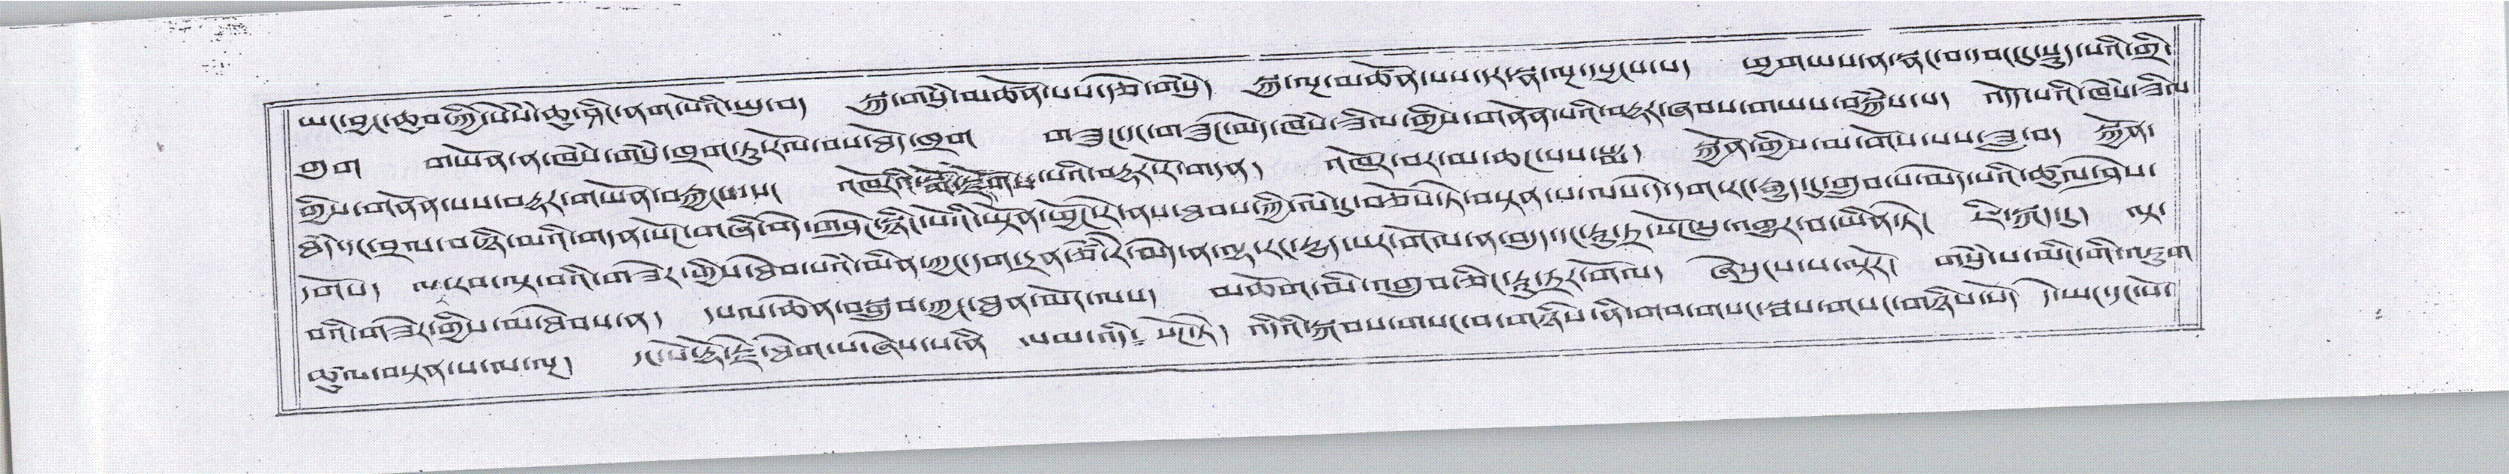ཡང་བྱང་ཆུབ་ཀྱི་སེམས་ཆུ་ཤིང་ནག་པོའི་ཡུ་བ། སྐུ་གསུམ་མཚོན་པས་རྩེ་གསུམ། སྐུ་ལྔ་མཚོན་པས་དར་སྣ་ལྔ་དཔྱངས་པ། ཕྱག་གཡས་ན་སྣང་བ་དབང་དུ་སྡུད་པའི་གྲི་
ཁུག གཡོན་ན་ཁམས་གསུམ་ཁྲག་ཏུ་རོལ་པས་ཐོད་ཁྲག གཟུགས་དང་གཟུགས་མེད་ཁམས་ཟིལ་གྱིས་གནོན་པའི་བརྡར་ཞབས་གཡས་བསྐུམས་པ། འདོད་པའི་ཁམས་ཟིལ་
གྱིས་གནོན་པའི་བརྡར་གཡོན་བརྐྱངས་པ། འཁོར་ལོའི་སྒོ་རྫོགས་པའི་བརྡར་རོ་གདན། འཁོར་བར་མ་ཆགས་པས་པདྨ། སྐྱོན་གྱིས་མ་གོས་པས་ཟླ་བ། སྐྱོན་
ཐམས་ཅད་དང་བྲལ་བ་ཉི་མའི་གདན་སོགས་གཞི་བདེར་གཤེགས་སྙིང་པོའི་ཡོན་ཏན་ཕྱོགས་རེ་ནས་ཐབས་ཀྱི་ལམ་དུ་བཅོས་ཏེ་བསྟན་པ་ལས་དེ་དག་རང་རྒྱུད་དུ་གྲུབ་པ་མེད་པའི་ཚུལ་ཤེས་
དགོས། ལར་རབ་ལྟ་བའི་ཟིལ་གྱིས་ཐེབ་པའམ་མིན་ཀྱང་དག་དྲན་ཙམ་རེ་མེད་ན་ལྷ་རང་རྒྱུད་པར་གོལ་ན་བདུད་དང་རུ་ཏྲ་སོགས་སུ་འགྱུར་བ་ཡིན་ཏེ། ཇི་སྐད་དུ། ལྟ་
བའི་གཟེར་གྱིས་མ་ཐེབས་ན། དཔལ་ཆེན་བསྒྲུབས་ཀྱང་ཐུན་མོང་ལས། མཆོག་མི་འགྲུབ་ཅིང་རུ་ཏྲར་གོལ། ཞེས་གསུངས་པ་ལྟར་རོ། གསུམ་པ་མིང་གི་འཇུག་
ཚུལ་བསྟན་པ་ལ་ལྔ། དང་པོ་རྡོ་རྗེ་ཐེག་པ་ཞེས་པ་ནི། ལམ་འདི་སོགས་ཏེ། འདིའི་སྐབས་གསང་བ་གཉིས་ནི་གབ་གསང་སྦས་གསང་གཉིས་སོ། དེ་ཡང་དང་པོ་